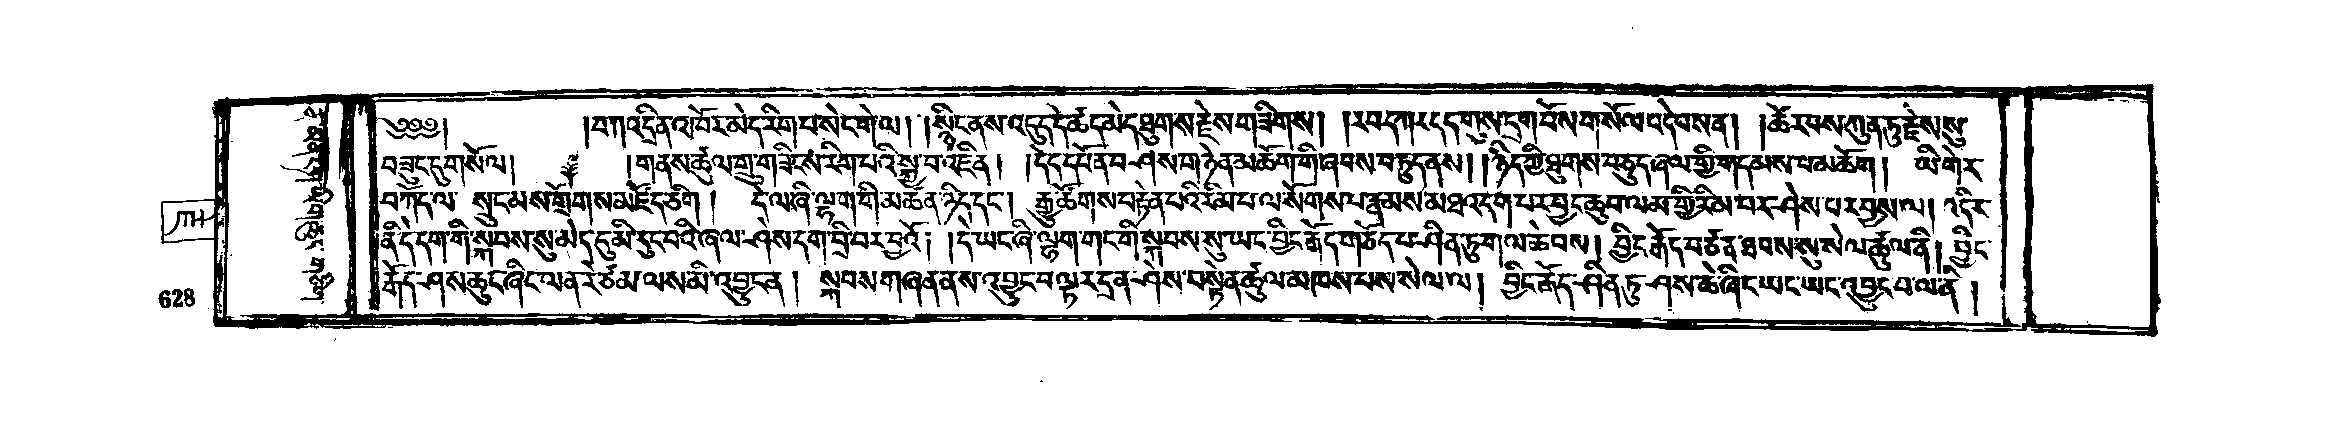༄༅༅། །བཀའ་དྲིན་འཁོར་མེད་རིག་པ་སེང་གེ་ལ། །སྙིང་ནས་འདུད་དེ་ཚད་མེད་ཐུགས་རྗེས་གཟིགས། །རབ་དཀར་དད་གུས་དྲག་པོས་གསོལ་འདེབས་ན། །ཚེ་རབས་ཀུན་ཏུ་རྗེས་སུ་
བཟུང་དུ་གསོལ། ༈ །གནས་ཚུལ་གྲུ་གཟིངས་རིག་པའི་སྐྱེ་བ་འཛིན། །དེད་དཔོན་བཤེས་གཉེན་མཆོག་གི་ཞབས་བཏུད་ནས། །ཉིད་ཀྱི་ཐུགས་བཅུད་ཞལ་གྱི་གདམས་པ་མཆོག །ཡི་གེར་
བཀོད་ལ་སྲུང་མས་གྲོགས་མཛོད་ཅིག །དེ་ལ་ཞི་ལྷག་གི་མཚན་ཉིད་དང་། རྒྱུ་ཚོགས་བརྟེན་པའི་རིམ་པ་ལ་སོགས་པ་རྣམས་མཐའ་དག་པར་བྱང་ཆུབ་ལམ་གྱི་རིམ་པར་ཤེས་པར་བྱས་ལ། འདིར་
ནི་དེ་དག་གི་སྐབས་སུ་མེད་དུ་མི་རུང་བའི་ཞལ་ཤེས་དག་བྲི་བར་བྱའོ། །དེ་ཡང་ཞི་ལྷག་གང་གི་སྐབས་སུ་ཡང་བྱིང་རྒོད་གཅོད་པ་ཤིན་ཏུ་གལ་ཆེ་བས། བྱིང་རྒོད་བཙན་ཐབས་སུ་སེལ་ཚུལ་ནི། བྱིང་
རྒོད་ཤས་ཆུང་ཞིང་ལན་རེ་ཙམ་ལས་མི་འབྱུང་ན། སྐབས་གཞན་ནས་འབྱུང་བ་ལྟར་དྲན་ཤེས་བསྟེན་ཚུལ་མཁས་པས་སེལ་ལ། བྱིང་རྒོད་ཤིན་ཏུ་ཤས་ཆེ་ཞིང་ཡང་ཡང་འབྱུང་བ་ལ་ནི།